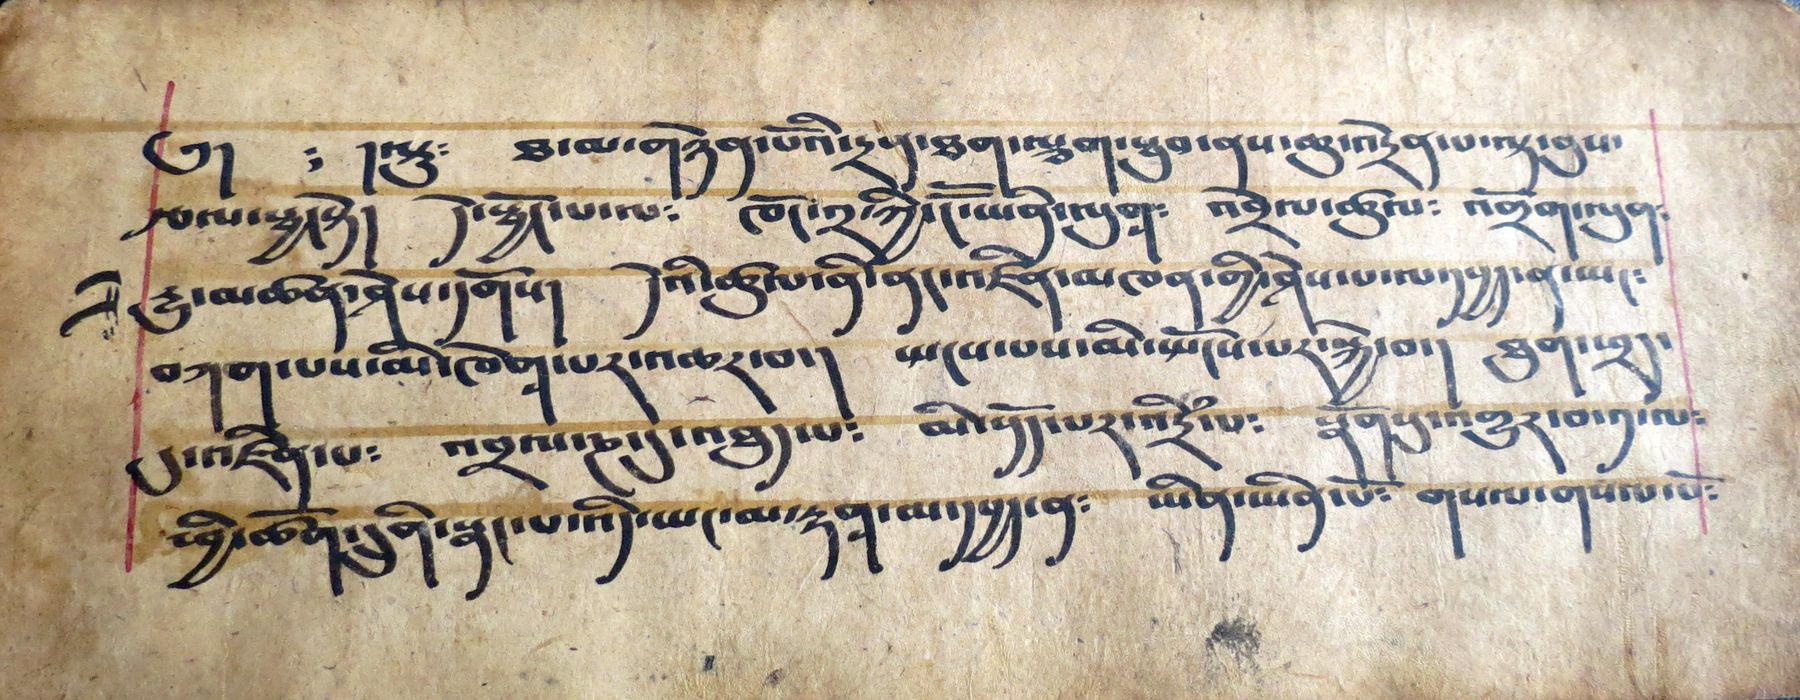ལྟ་བུ། ཐ་མ་གཉེན་པོའི་དྲན་ཐག་ལྕགས་སྦུག་ནས་ཆུ་འདྲེན་པ་ལྟ་བུའི་
རྩལ་སྦྱངས་ཏེ། དེ་སྦྱོང་བ་ལ་ཁོང་གཉིས་ཀྱི་ངོ་བོ་ཡིན་ལུགས་འབྲེལ་ལུགས་འགྲོགས་ལུགས་
རྒྱུ་མཚན་ཤེས་དགོས་ཏེ། དེའི་ཚུལ་ནི། ནང་འཛིན་མཁན་གྱི་ཤེས་པ་ལ་དཔྱད་ན་ཡང་
བཀག་པས་མི་ཁོག་པར་འཆར་བ། སྤངས་པས་མི་སྤོངས་པར་སྐྱེ་བ། ཐུག་འཕྲད་
དུ་འཛིན་པ། འབྲལ་མེད་དུ་མཐུད་པ། མི་སྡོད་པར་འདྲིམ་༼འགྲིམས༽པ། སྣ་ཚོགས་སུ་འགྱུར་པ་ཞིག་ལ། 
ཕྱི་ཚོགས་དྲུག་གི་སྣང་བ་འདི་ཡང་མ་བརྟགས་མ་དཔྱད་ན། ཡིན་ཡིན་པོ། གསལ་གསལ་པོ།